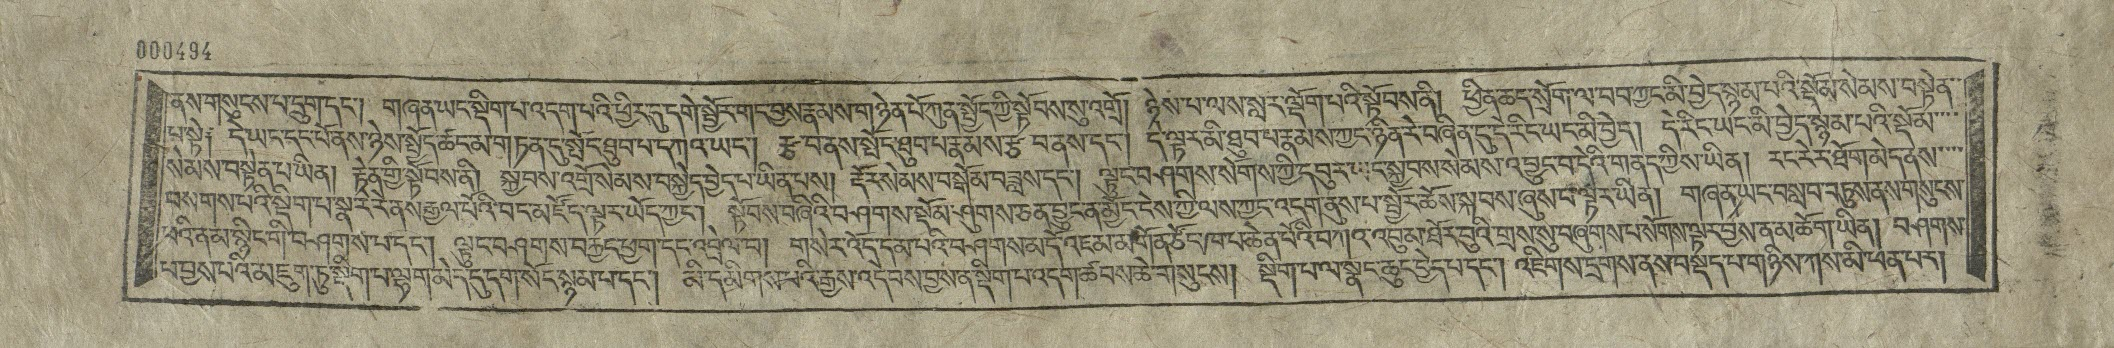ནས་གསུངས་པ་དྲུག་དང་། གཞན་ཡང་སྡིག་པ་འདག་པའི་ཕྱིར་དུ་དགེ་སྦྱོར་གང་བྱས་རྣམས་གཉེན་པོ་ཀུན་སྤྱོད་ཀྱི་སྟོབས་སུ་འགྲོ། ཉེས་པ་ལས་སླར་ལྡོག་པའི་སྟོབས་ནི། ཕྱིན་ཆད་སྲོག་ལ་བབ་ཀྱང་མི་བྱེད་སྙམ་པའི་སྡོམ་སེམས་བསྟེན་
པ་སྟེ༑ དེ་ཡང་དང་པོ་ནས་ཉེས་སྤྱོད་ཚང་མ་གཏན་དུ་སྤོང་ཐུབ་པ་དཀའ་ཡང་། རྩ་བ་ནས་སྤོང་ཐུབ་པ་རྣམས་རྩ་བ་ནས་དང་། དེ་ལྟར་མི་ཐུབ་པ་རྣམས་ཀྱང་ཉིན་རེ་བཞིན་དུ་དེ་རིང་ཡང་མི་བྱེད། དེ་རིང་ཡང་མི་བྱེད་སྙམ་པའི་སྡོམ་
སེམས་བསྟེན་པ་ཡིན། རྟེན་གྱི་སྟོབས་ནི། སྐྱབས་འགྲོ་སེམས་བསྐྱེད་བྱེད་པ་ཡིན་པས། རྡོར་སེམས་བསྒོམ་བཟླས་དང་། ལྟུང་བཤགས་སོགས་ཀྱི་དབུར་ཡང་སྐྱབས་སེམས་འབྱུང་བ་དེའི་གནད་ཀྱིས་ཡིན། རང་རེར་ཐོག་མེད་ནས་
བསགས་པའི་སྡིག་པ་སྣ་རེ་རེ་ནས་རྒྱལ་པོའི་བང་མཛོད་ལྟར་ཡོད་ཀྱང་། སྟོབས་བཞིའི་བཤགས་སྡོམ་ཤུགས་ཅན་བྱུང་ན་མྱོང་ངེས་ཀྱི་ལས་ཀྱང་འདག་ནུས་པ་སྦྱོར་ཆོས་སྐབས་ཞུས་པ་ལྟར་ཡིན། གཞན་ཡང་བསླབ་བཏུས་ནས་གསུངས་
པའི་ནམ་སྙིང་གི་བཤགས་པ་དང་། ལྟུང་བཤགས་བརྐྱང་ཕྱག་དང་འབྲེལ་བ། གསེར་འོད་དམ་པའི་བཤགས་མདོ་འཇམ་མགོན་ཙོང་ཁ་པ་ཆེན་པོའི་བཀའ་འབུམ་ཐོར་བུའི་གྲས་སུ་བཞུགས་པ་སོགས་ལྟར་བྱས་ན་མཆོག་ཡིན། བཤགས་
པ་བྱས་པའི་མཇུག་ཏུ་སྡིག་པ་ལྷག་མེད་དུ་དག་སོང་སྙམ་པ་དང་། མི་དམིགས་པའི་རྒྱས་འདེབས་བྱས་ན་སྡིག་པ་འདག་ཚབས་ཆེ་གསུངས། སྡིག་པ་ལ་སྣང་ཆུང་བྱེད་པ་དང་། འཇིགས་དྲགས་ནས་བསྡད་པ་གཉིས་ཀས་མི་ཕན་པར།